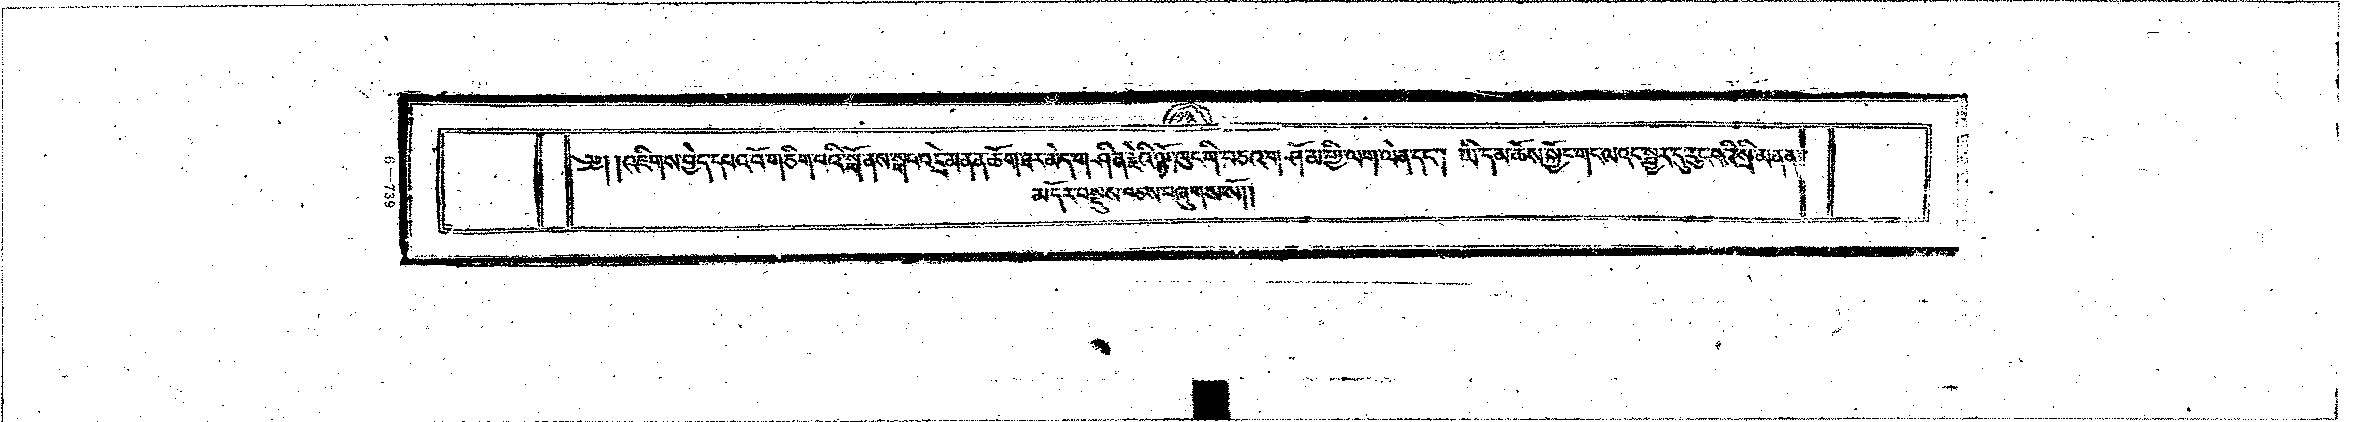༄༅། །འཇིགས་བྱེད་དཔའ་བོ་གཅིག་པའི་སྒོ་ནས་སྒབ་འདྲེ་མནན་ཆོག་ཐར་མེད་གཤིན་རྗེའི་ལྟོ་ཁུང་གི་བཅའ་གཤོམ་གྱི་ལག་ལེན་དང་། ཡི་དམ་ཆོས་སྐྱོང་གང་ལའང་སྦྱར་དུ་རུང་བའི་སྲི་མནན་
མདོར་བསྡུས་བཅས་བཞུགས་སོ།།